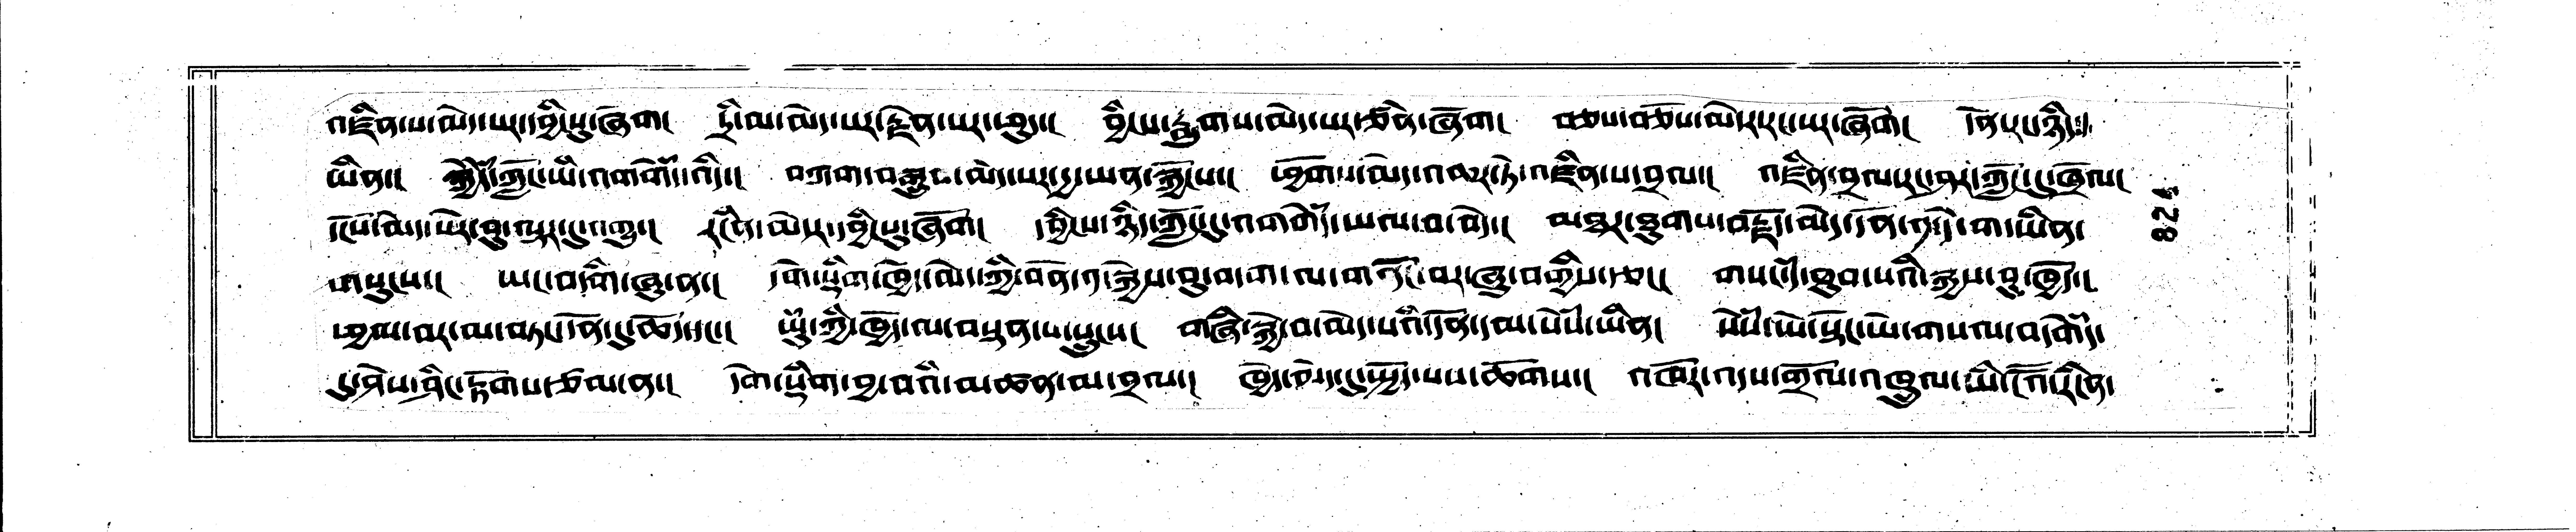འཛིན་པ་མེད་པར་དབྱིངས་སུ་ཞོག །དྲི་མ་མེད་པར་རྗེན་པར་ཕུད། །བྱིང་རྨུགས་མེད་པར་ཙེན་ནེ་ཞོག །བཅས་བཅོས་མེད་པར་རང་སར་ཞོག དོན་རང་ཉིད་
ཡིན། །སྐྱེ་མེད་ཀློང་ཡི་༼གི༽འགག་མེད་འདི། །བཀག་བསྒྲུབ་མེད་པར་རྒྱ་ཡན་སྐྱོངས། །ཕྱོགས་མེད་འཆར་ཏེ་འཛིན་པ་བྲལ། །འཛིན་བྲལ་རང་ཤར་ཀློང་དུ་ཁྲོལ།
།དངོས་མེད་སེར་བུ་ལྟར་དུ་འགྱུ། །རང་བཞིན་མེད་པར་དབྱིངས་སུ་ཞོག །དབྱིངས་ཉིད་ཀློང་དུ་འགག་མེད་ཡལ་བ་བདེ། །མཐར་ཐུག་བརྗོད་མེད་དོན་གཅིག་དེ་ག་ཡིན་
གསུངས། །ཡང་བདག་གིས་ཞུ་ན། དགེ་སྡིག་ཁྱེད་༼ཁྱད༽ད་མེད་ཀྱི་བོན་ཅིག་སྐྱེས་བུ་བདག་ལ་གནང་བར་ཞུ་བགྱིས་རྩ། གསང་དམ་ཐུབ་པའི་སྐྱེས་བུ་ཁྱོད།
།ཕྱལ་བར་མ་བཏང་དོན་དུ་ཆོད་དང་། །ཡུམ་གྱིས་ཁྱོད་ལ་བསྟན་པ་སྲུང་། །གཞི་སྐྱེ་བ་མེད་པའི་དོན་དམ་སེམས་ཡིན། སེམས་ཡེ་སྟོང་ཡེ་གསལ་བདག་མེད་
དུ་ཤེས་ཤིང་རྟོགས་ཙམ་ན། དགེ་སྡིག་བྱ་བའི་མཚན་མ་བྲལ། ཁྱེད་༼ཁྱད༽མེད་དུ་སྤྱོད་པས་ཆོག འཁོར་འདས་གྲོལ་འཁྲུལ་གྱི་ངོའོ་རང་བཞིན་